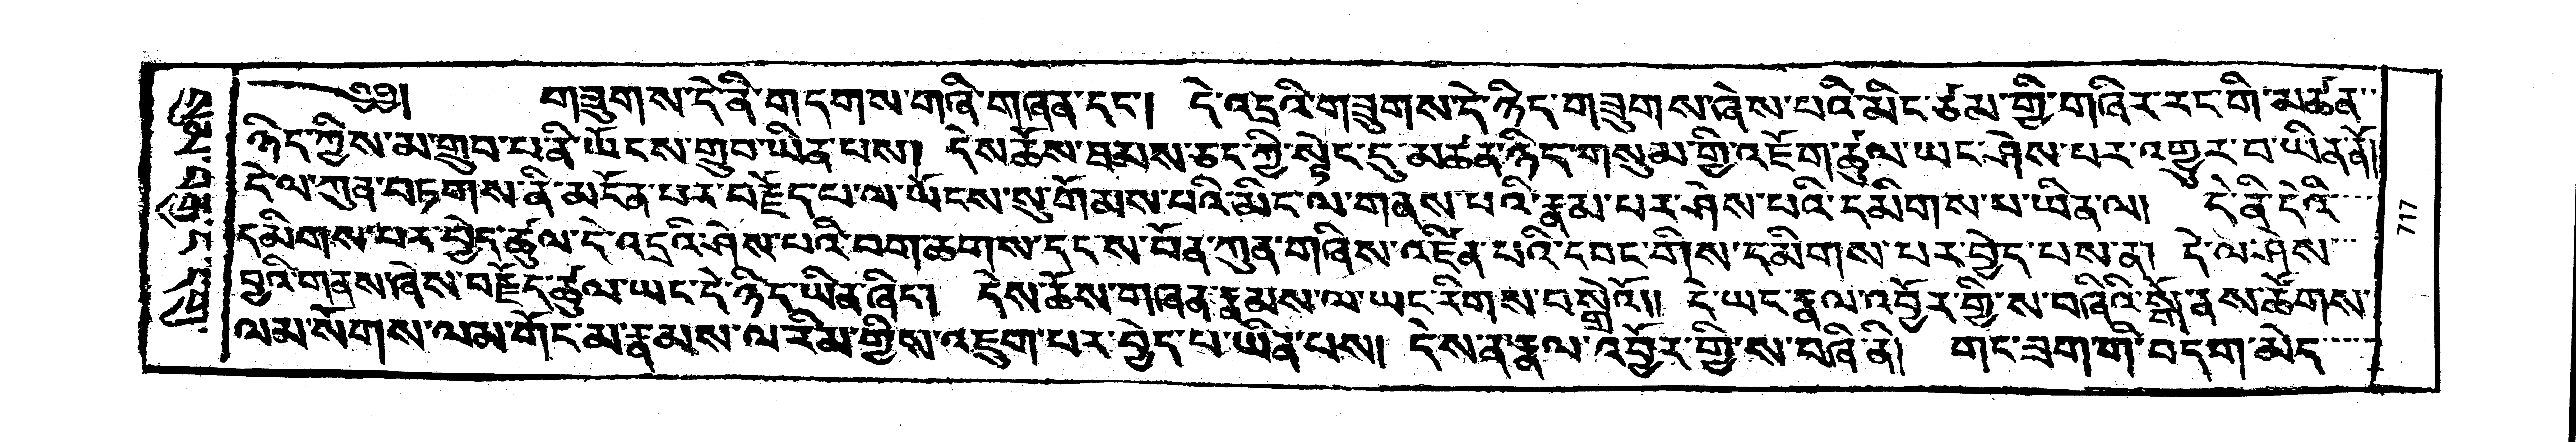༄༅། །གཟུགས་དེ་ནི་གདགས་གཞི་གཞན་དང་། དེ་འདྲའི་གཟུགས་དེ་ཉིད་གཟུགས་ཞེས་པའི་མིང་ཙམ་གྱི་གཞིར་རང་གི་མཚན་
ཉིད་ཀྱིས་མ་གྲུབ་པ་ནི་ཡོངས་གྲུབ་ཡིན་པས། དེས་ཆོས་ཐམས་ཅད་ཀྱི་སྟེང་དུ་མཚན་ཉིད་གསུམ་གྱི་འཇོག་ཚུལ་ཡང་ཤེས་པར་འགྱུར་བ་ཡིན་ནོ།
དེ་ལ་ཀུན་བཏགས་ནི་མངོན་པར་བརྗོད་པ་ལ་ཡོངས་སུ་གོམས་པའི་མིང་ལ་གནས་པའི་རྣམ་པར་ཤེས་པའི་དམིགས་པ་ཡིན་ལ། དེ་ནི་དེའི་
དམིགས་པར་བྱེད་ཚུལ་དེ་འདྲའི་ཤེས་པའི་བག་ཆགས་དང་ས་བོན་ཀུན་གཞིས་འཛིན་པའི་དབང་གིས་དམིགས་པར་བྱེད་པས་ན། དེ་ལ་ཤེས་
བྱའི་གནས་ཞེས་བརྗོད་ཚུལ་ཡང་དེ་ཉིད་ཡིན་ཞིང་། དེས་ཆོས་གཞན་རྣམས་ལ་ཡང་རིགས་བསྒྲེའོ། །དེ་ཡང་རྣལ་འབྱོར་གྱི་ས་བཞིའི་སྒོ་ནས་ཚོགས་
ལམ་སོགས་ལམ་གོང་མ་རྣམས་ལ་རིམ་གྱིས་འཇུག་པར་བྱེད་པ་ཡིན་པས། དེས་ན་རྣལ་འབྱོར་གྱི་ས་བཞི་ནི། གང་ཟག་གི་བདག་མེད་